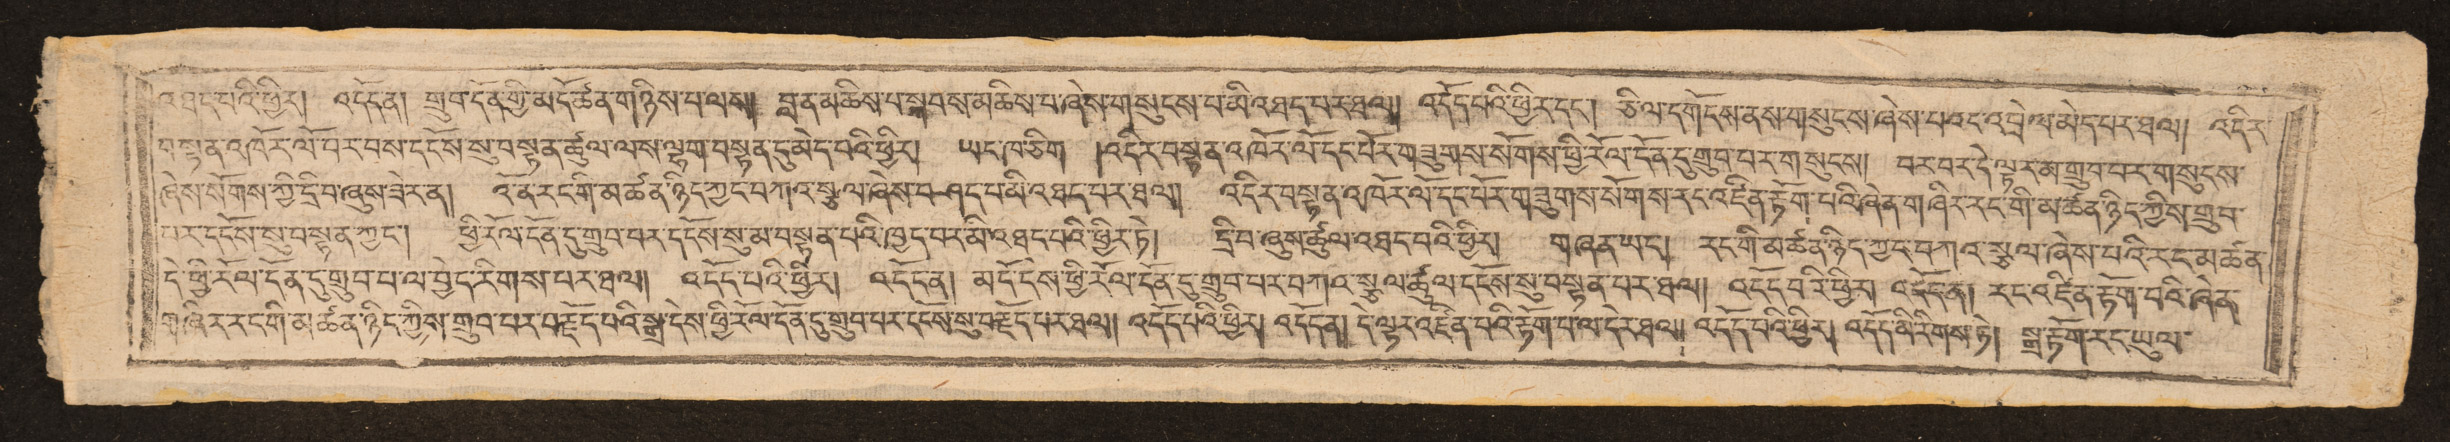འཐད་པའི་ཕྱིར། འདོད་ན། གྲུབ་དོན་གྱི་མདོ་ཚན་གཉིས་པ་ལས། བླ་ན་མཆིས་པ་སྐབས་མཆིས་པ་ཞེས་གསུངས་པ་མི་འཐད་པར་ཐལ། འདོད་པའི་ཕྱིར་དང་། ཅི་ལ་དགོངས་ནས་གསུངས་ཞེས་པའང་འབྲེལ་མེད་པར་ཐལ། འདིར་
བསྟན་འཁོར་ལོ་བར་བས་དངོས་སུ་བསྟན་ཚུལ་ལས་ལྷག་བསྟན་དུ་མེད་པའི་ཕྱིར། ཡང་ཁ་ཅིག །འདིར་བསྟན་འཁོར་ལོ་དང་པོར་གཟུགས་སོགས་ཕྱི་རོལ་དོན་དུ་གྲུབ་པར་གསུངས། བར་བར་དེ་ལྟར་མ་གྲུབ་པར་གསུངས་
ཞེས་སོགས་ཀྱི་དྲི་བ་ཞུས་ཟེར་ན། འོ་ན་རང་གི་མཚན་ཉིད་ཀྱང་བཀའ་སྩལ་ཞེས་བཤད་པ་མི་འཐད་པར་ཐལ། འདིར་བསྟན་འཁོར་ལོ་དང་པོར་གཟུགས་སོགས་རང་འཛིན་རྟོག་པའི་ཞེན་གཞིར་རང་གི་མཚན་ཉིད་ཀྱིས་གྲུབ་
པར་དངོས་སུ་བསྟན་ཀྱང་། ཕྱི་རོལ་དོན་དུ་གྲུབ་བར་དངོས་སུ་མ་བསྟན་པའི་ཁྱད་པར་མི་འཐད་པའི་ཕྱིར་ཏེ། དྲི་བ་ཞུས་ཚུལ་འཐད་པའི་ཕྱིར། གཞན་ཡང་། རང་གི་མཚན་ཉིད་ཀྱང་བཀའ་སྩལ་ཞེས་པའི་རང་མཚན་
དེ་ཕྱི་རོལ་དོན་དུ་གྲུབ་པ་ལ་བྱེད་རིགས་པར་ཐལ། འདོད་པའི་ཕྱིར། འདོད་ན། མདོ་དེས་ཕྱི་རོལ་དོན་དུ་གྲུབ་པར་བཀའ་སྩལ་ཚུལ་དངོས་སུ་བསྟན་པར་ཐལ། འདོད་པའི་ཕྱིར། འདོད་ན། རང་འཛིན་རྟོག་པའི་ཞེན་
གཞིར་རང་གི་མཚན་ཉིད་ཀྱིས་གྲུབ་པར་བརྗོད་པའི་སྒྲ་དེས་ཕྱི་རོལ་དོན་དུ་གྲུབ་པར་དངོས་སུ་བརྗོད་པར་ཐལ། འདོད་པའི་ཕྱིར། འདོད་ན། དེ་ལྟར་འཛིན་པའི་རྟོག་པ་ལ་དེར་ཐལ། འདོད་པའི་ཕྱིར། འདོད་མི་རིགས་ཏེ། སྒྲ་རྟོག་རང་ཡུལ་